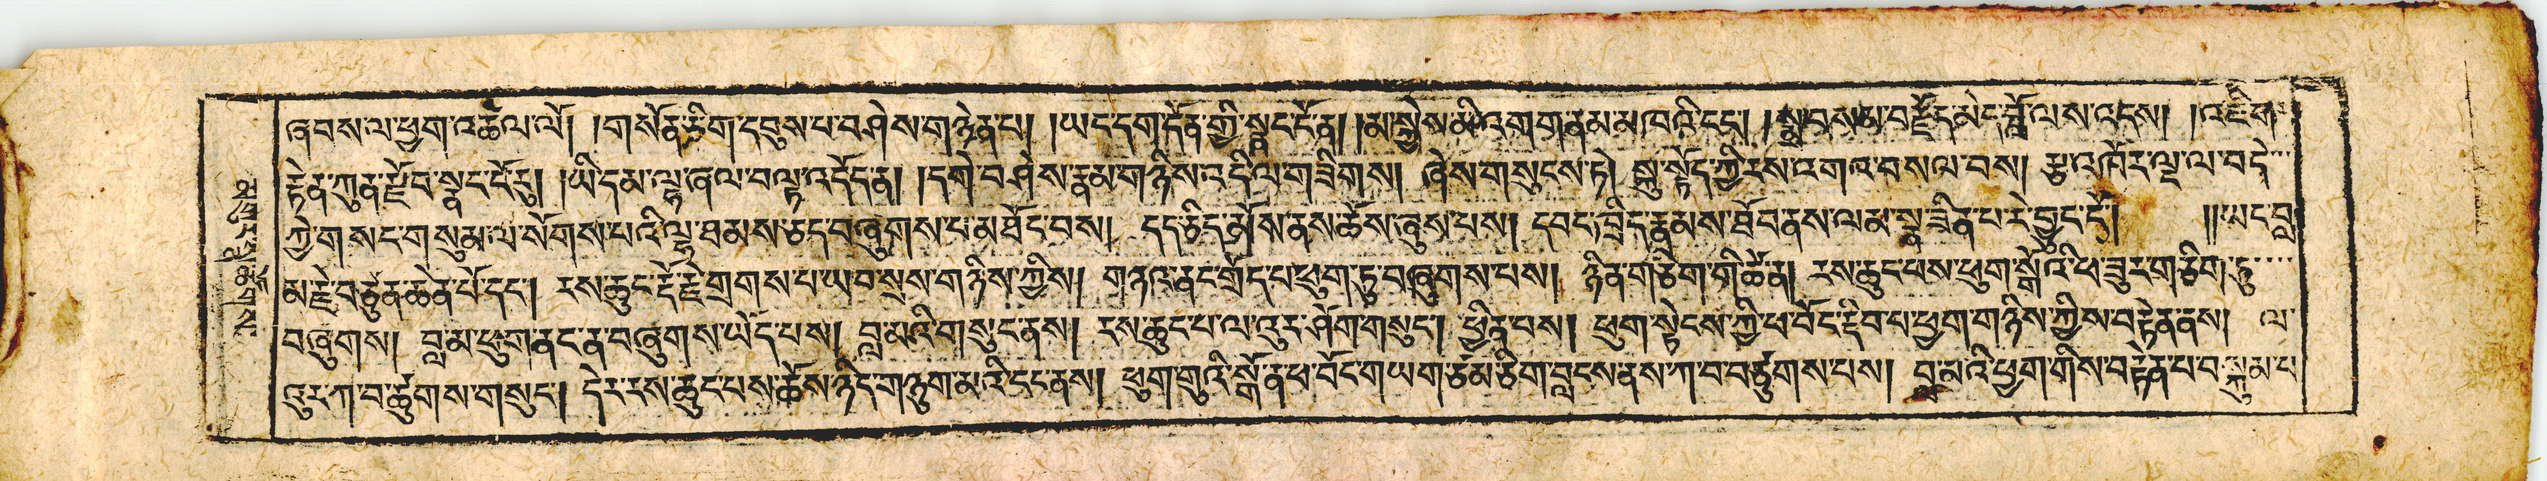ཞབས་ལ་ཕྱག་འཚལ་ལོ། །གསོན་ཅིག་དབུས་པ་བཤེས་གཉེན་པ། །ཡང་དག་དོན་གྱི་སྣང་ངོ་ན། །མ་སྐྱེས་མི་འགག་ནམ་མཁའི་ངང་། །སྨྲ་བསམ་བརྗོད་མེད་བློ་ལས་འདས། །འཇིག་
རྟེན་ཀུན་རྫོབ་སྣང་ངོ་རུ། །ཡི་དམ་ལྷ་ཞལ་བལྟ་འདོད་ན། །དགེ་བཤེས་རྣམ་གཉིས་འདི་ལ་གཟིགས། ཞེས་གསུངས་ཏེ། སྐུ་སྟོད་ཀྱི་རས་འགའ་བསལ་བས། རྩ་འཁོར་ལྔ་ལ་བདེ་
ཀྱེ་གསང་གསུམ་ལ་སོགས་པའི་ལྷ་ཐམས་ཅད་བཞུགས་པ་མཐོང་བས། དད་ཅིང་མོས་ནས་ཆོས་ཞུས་པས། དབང་ཁྲིད་རྣམས་ཐོབ་ནས་ལམ་སྣ་ཟིན་པ་རེ་བྱུང་ངོ་། །ཡང་བླ་
མ་རྗེ་བཙུན་ཆེན་པོ་དང་། རས་ཆུང་རྡོ་རྗེ་གྲགས་པ་ཡབ་སྲས་གཉིས་ཀྱིས། གཞའ་ནང་གྲོད་པ་ཕུག་ཏུ་བཞུགས་པས། ཉིན་གཅིག་གི་ཚེ་ན། རས་ཆུང་བས་ཕུག་སྒོའི་ཕ་ཟུར་གཅིག་ཏུ་
བཞུགས། བླ་མ་ཕུག་ནང་ན་བཞུགས་ཡོད་པས། བླ་མའི་གསུང་ནས། རས་ཆུང་པ་ལ་འུར་ཤོག་གསུང་། ཕྱིན་པས། ཕུག་སྟེངས་ཀྱི་ཕ་བོང་རྡིབ་པ་ཕྱག་གཉིས་ཀྱིས་བརྟེན་ནས། ལ་
འུར་ཀ་བ་ཚུགས་གསུང་། དེར་རས་ཆུང་པས་ཆོས་ཉིད་གཉུག་མའི་ངང་ནས། ཕུག་གུའི་སྒོ་ནཕ་བོང་གཡག་ཙམ་ཅིག་བླངས་ནས་ཀ་བ་བཙུགས་པས། བྲ་མའི་ཕྱག་གིས་བརྟེན་པ་བསྐུམ་པ་